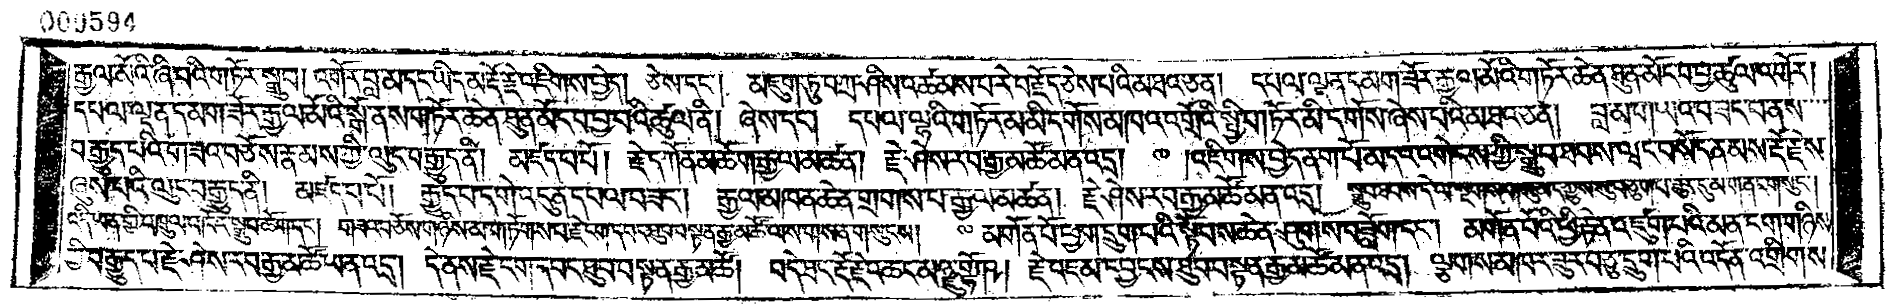རྒྱལ་མོའི་ཞི་བའི་གཏོར་སྒྲུབ། འགོར་བླ་མ་དང་ཡིད་མ་རྡོ་རྗེ་འཇིགས་བྱེད། ཅེས་དང་། མཇུག་ཏུ་བཀྲ་ཤིས་འཚམས་པ་རེ་བརྗོད་ཅེས་པའི་མཐའ་ཅན། དཔལ་ལྡན་དམག་ཟོར་རྒྱལ་མོའི་གཏོར་ཆེན་ཐུན་མོང་བ་བྱ་ཚུལ་འགོར། །
དཔལ་ལྡན་དམག་ཟོར་རྒྱལ་མོའོ་སྒོ་ནས་གཏོར་ཆེན་ཐུན་མོང་བ་བྱ་བའི་ཚུལ་ནི། ཞེས་དང་། དཔལ་ལྷའི་གཏོར་མ་མི་དགོས་མཁའ་འགྲོའི་སྤྱི་གཏོར་མི་དགོས་ཞེས་པའི་མཐའ་ཅན། བླ་མ་གཡ་བཟང་བ་ནས་
བརྒྱུད་པའི་གཟའ་བཅོས་རྣམས་ཀྱི་ལུང་བརྒྱུད་ནི། མཛད་པ་པོ། རྗེ་དཀོན་མཆོག་རྒྱལ་མཚན། རྗེ་ཤེས་རབ་རྒྱ་མཚོ་མན་འདྲ། ༧ ༧་།འཇིགས་བྱེད་ནག་པོ་མདའ་འགེངས་ཀྱི་སྒྲུབ་ཐབས་ཝང་བསོད་ནམས་རྡོ་རྗེས་
ཞུས་པའི་ལུང་བརྒྱུད་ནི། མཛད་པ་པོ། རྒྱུད་པ་དགེ་འདུན་དཔལ་བཟང་། རྒྱལ་མཁན་ཆེན་གྲགས་པ་རྒྱལ་མཚན། རྗེ་ཤེས་རབ་རྒྱ་མཚོ་མན་འདྲ། སྒྲུབ་ཐབས་དེ་ལ་སྔགས་གསུམ་དཀྱུས་སུ་བཅུག་བ་ཟུར་དུ་མ་གནང་གསུང་།
འདི་ཡན་གྱི་འཁྲུལ་འཁོར་སྒྲུབ་ཆོག་དང་། གཟའ་བཅོས་གཉིས་མ་གཏོགས་པ་རྗེ་ངག་དབང་ཐུབ་བསྟན་རྒྱ་མཚོ་ལས་གསན་གསུངས། ༧་མགོན་པོ་ཕྱག་དྲུག་པའི་སྟོབས་ཆེན་ཤུགས་བཟློག་དང་། མགོན་པོའི་ཕྱི་རྟེན་འཛུག་བའི་མན་ངག་གཉིས་
ཀྱི་བརྒྱུད་པ་རྗེ་ཤེས་རབ་རྒྱ་མཚོ་ཡན་འདྲ། དེ་ནས་རྗེ་ངག་དབང་ཐུབ་བསྟན་རྒྱ་མཚོ། བདེ་ཐང་རྡོ་རྗེ་འཆང་མཉྫུ་གྷོ་ཥ། རྗེ་འཇམ་དབྱངས་ཐུབ་བསྟན་རྒྱ་མཚོ་མན་འདྲ། ལྕགས་མཁར་ཟུར་བཅུ་དྲུག་པའི་འདོན་འགྲིགས་